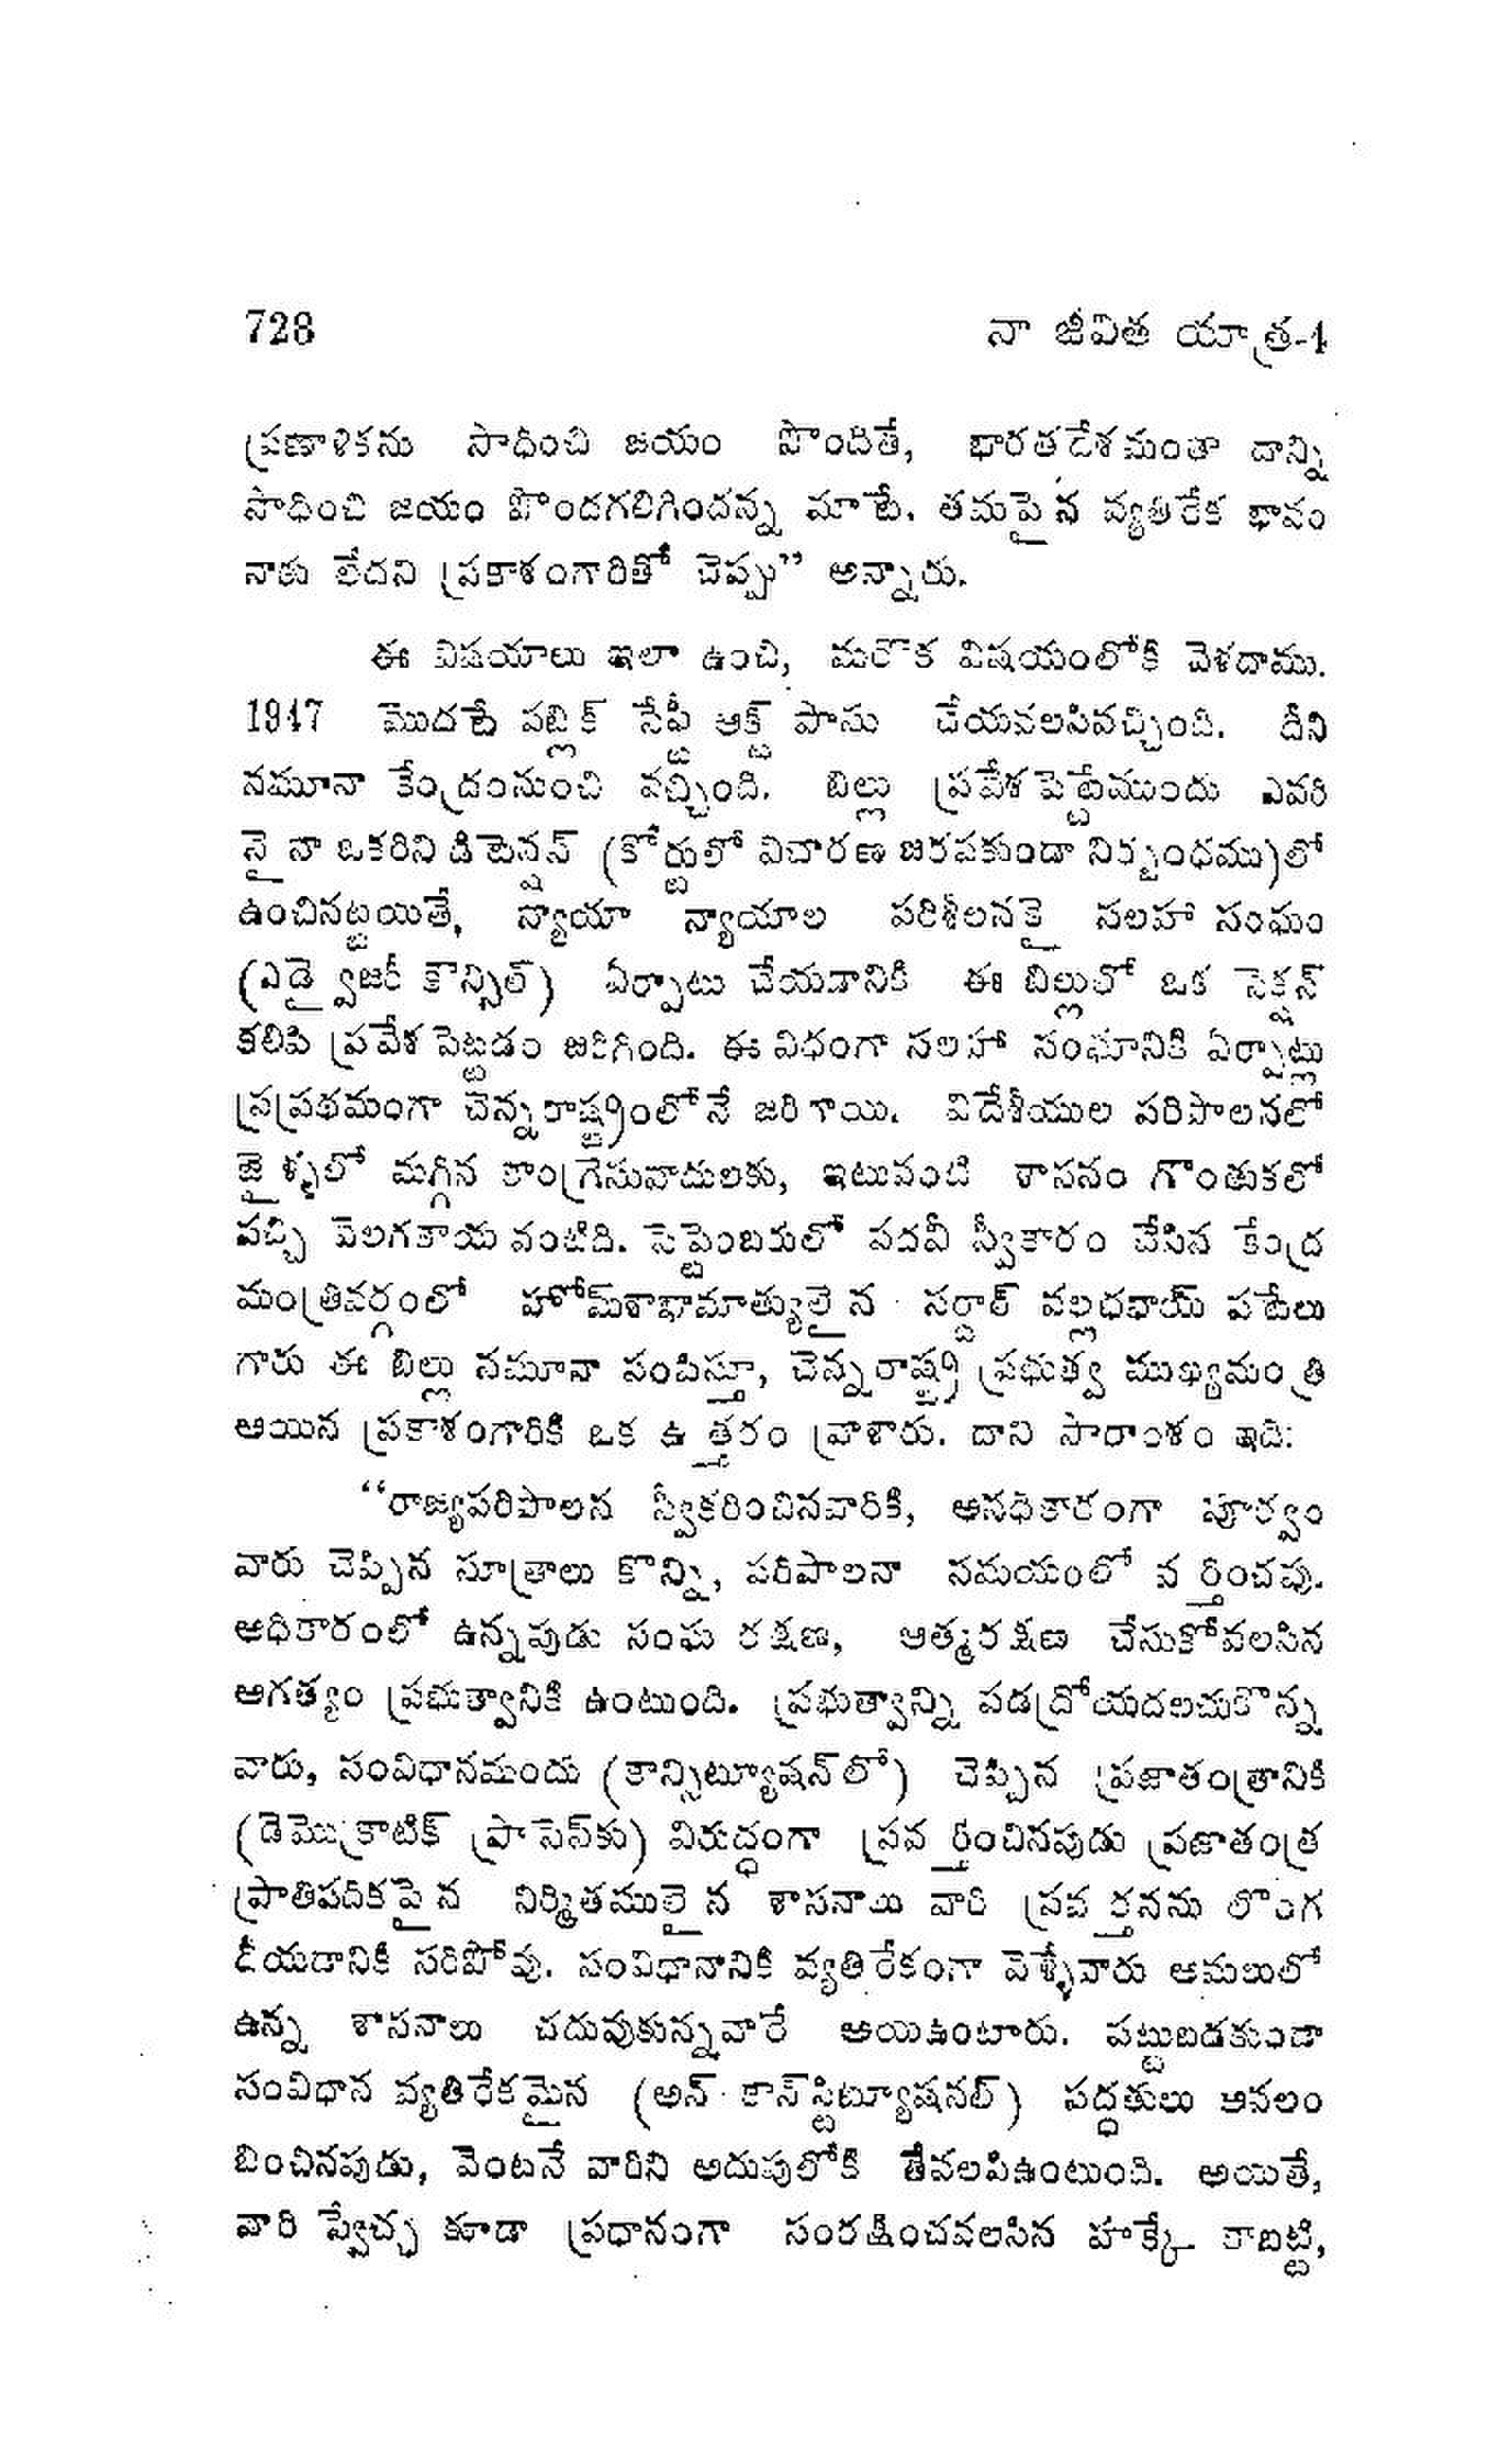ప్రణాళికను సాధించి జయం పొందితే, భారతదేశమంతా దాన్ని సాధించి జయం పొందగలిగిందన్న మాటే. తమపైన వ్యతిరేక భావం నాకు లేదని ప్రకాశంగారితో చెప్పు" అన్నారు.

ఈ విషయాలు ఇలా ఉంచి, మరొక విషయంలోకి వెళదాము. 1947 మొదటే పబ్లిక్ సేఫ్టీ ఆక్ట్ పాసు చేయవలసివచ్చింది. దీని నమునా కేంద్రనుంచి వచ్చింది. బిల్లు ప్రవేశపెట్టేముందు ఎవరినైనా ఒకరిని డిటెన్షన్ (కోర్టులో విచారణ జరపకుండా నిర్భంధము)లో ఉంచినట్టయితే, న్యాయా న్యాయాల పరిశీలనకై సలహా సంఘం (ఎడ్వైజరీ కౌన్సిల్) ఏర్పాటు చేయడానికి ఈ బిల్లులో ఒక సెక్షన్ కలిపి ప్రవేశ పెట్టడం జరిగింది. ఈ విధంగా సలహా సంఘానికి ఏర్పాట్లు ప్రప్రథమంగా చెన్నరాష్ట్రంలోనే జరిగాయి. విదేశీయుల పరిపాలనలో జైళ్ళలో మగ్గిన కాంగ్రెసువాదులకు, ఇతువంటి శాసనం గొంతుకలో పచ్చి వెలగకాయ వంటిది. సెప్టెంబరులో పదవీ స్వీకారం చేసిన కేంద్ర మంత్రివర్గంలో హోమ్‌శాఖామాత్యులైన సర్దార్ వల్లభభాయ్ పటేలుగారు ఈ బిల్లు నమూనా పంపిస్తూ, చెన్నరాష్ట్ర ప్రభుత్వ ముఖ్యమంత్రి అయిన ప్రకాశంగారికి ఒక ఉత్తరం వ్రాశారు. దాని సారాంశం ఇది.

"రాజ్యపరిపాలన స్వీకరించినవారికి, అనధికారంగా పూర్వం వారు చెప్పిన సూత్రాలు కొన్ని, పరిపాలనా సమయంలో వర్తించవు. అధికారంలో ఉన్నపుడు సంఘ రక్షణ, ఆత్మరక్షణ చేసుకోవలసిన అగత్యం ప్రభుత్వానికి ఉంటుంది. ప్రభుత్వాన్ని పడద్రోయదలచుకొన్న వారు, సంవిధానమందు (కాన్సిట్యూషన్‌లో) చెప్పిన ప్రజాతంత్రానికి (డెమెక్రాటిక్ ప్రాసెస్‌కు) విరుద్ధంగా ప్రవర్తించినపుడు ప్రజాతంత్ర ప్రాతిపదికపైన నిర్మితములైన శాసనాలు వారి ప్రవర్తనను లొంగదీయడానికి సరిపోవు. సంవిధానానికి వ్యతిరేకంగా వెళ్ళేవారు అమలులో ఉన్న శాసనాలు చదువుకున్నవారే అయిఉంటారు. పట్టుబడకుండా సంవిధాన వ్యతిరేకమైన (అన్ కాన్‌స్టిట్యూషనల్) పద్దతులు అవలంబించినపుడు, వెంటనే వారిని అదుపులోకి తేవలసిఉంటుంది. అయితే, వారి స్వేచ్ఛ కూడా ప్రధానంగా సంరక్షించవలసిన హక్కే కాబట్టి,